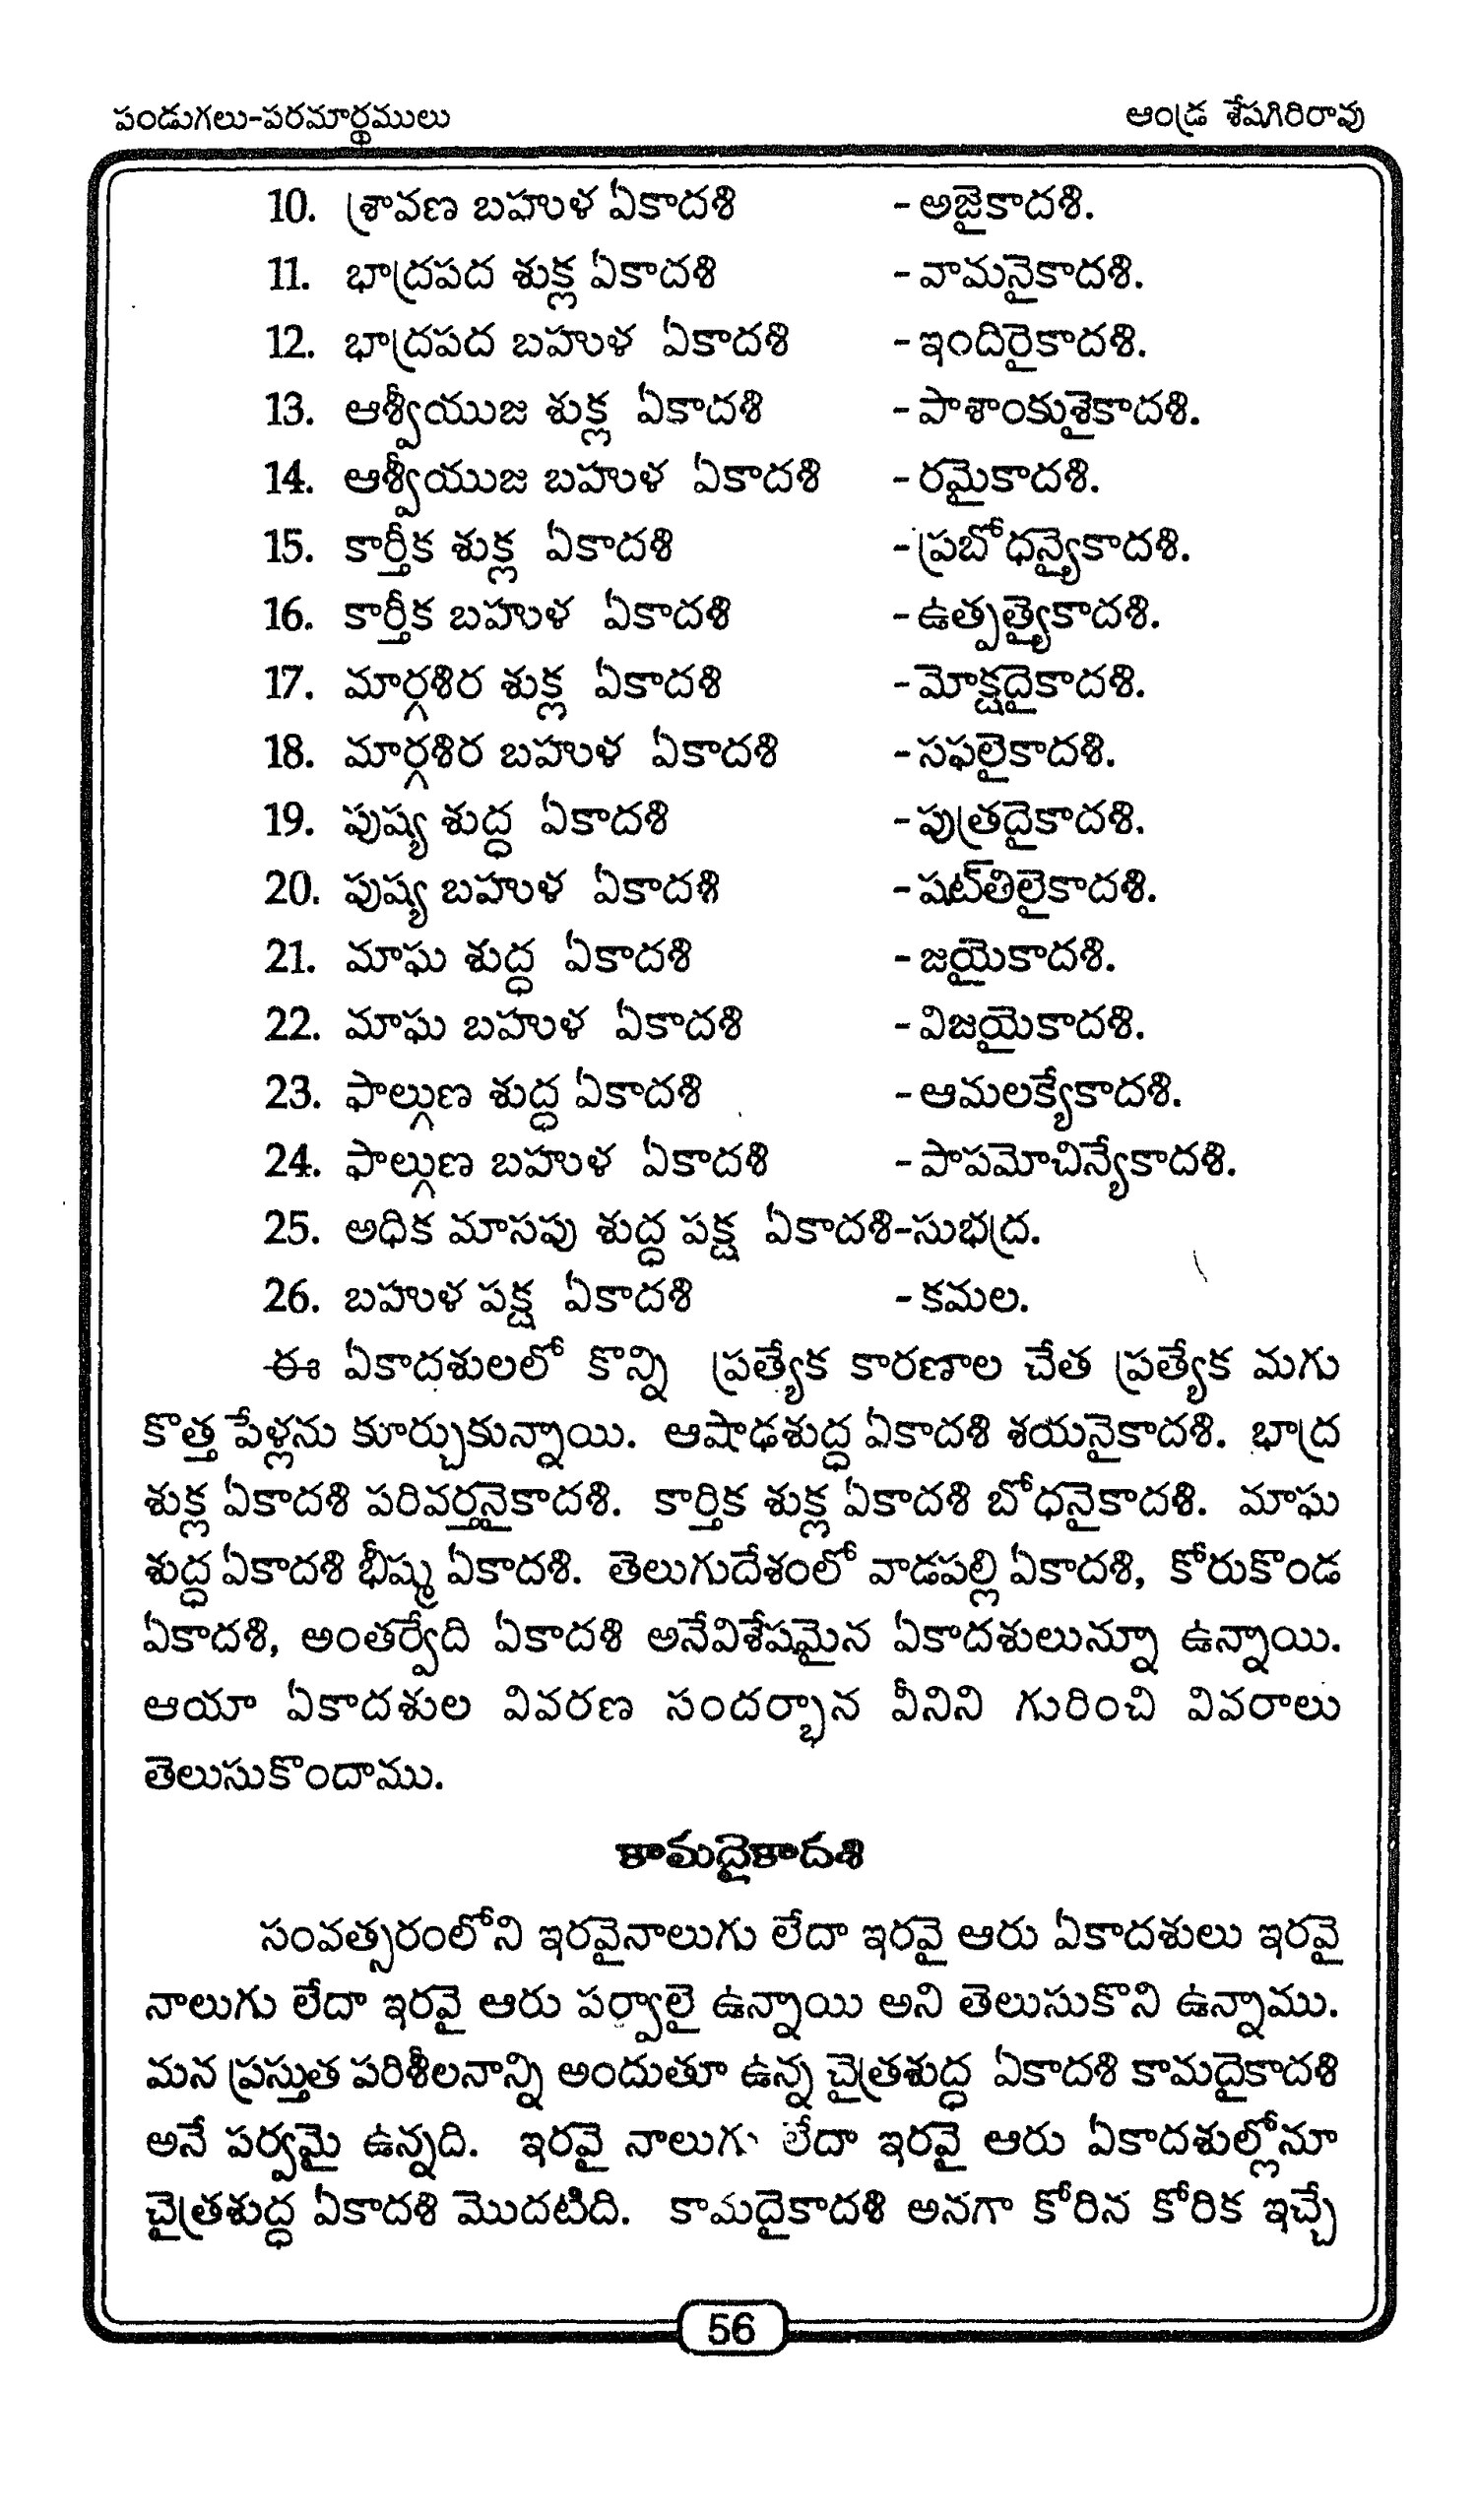10. శ్రావణ బహుళ ఏకాదశి -అజైకాదశి

11. భాద్రపద శుక్లఏకాదశి -వామనైకాదశి

12. భాద్రపద బహుళ ఏకాదశి -ఇందిరైకాదశి

13. ఆశ్వీయుజ బహుళ ఏకాదశి -పాశాంకుశైకాదశి

14. ఆశ్వీయుజ బహుళ ఏకాదశి -రమైకాదశి

15. కార్తీక శుక్ల ఏకాదశి -ప్రబోధన్త్యకాదశి

16. కార్తీక బహుళ ఏకాదశి -ఉత్పత్త్యైకాదశి

17. మార్గశిర శుక్ల ఏకాదశి -మోద్చదైకాదశి

18. మార్గశిర బహుళ ఏకాదశి -సఫలైకాదశి

19. పుష్య శుద్ధ ఏకాదశి -పుత్రదైకాదశి

20. పుష్య బహుళ ఏకాదశి -షట్ తిలైకాదశి

21. మఘ శుద్ధ ఏకాదశి -జయైకాదశి

22. మాఘ బహుళ ఏకాదశి -విజయైకదశి

23. ఫాల్గుణ శుద్ద ఏకాదశి -అమలక్యేకాదశి

24. ఫాల్గుణ బహుళ ఏకాదశి -పాపమోచిన్యేకదశి

25. అధిక మాసపు శుద్ధ పక్ష ఏకాదశి -శుభద్ర

26. బహుళ పక్ష ఏకాదశి -కమల

 ఈ ఏకాదశులలో కొని ప్రత్యేక కారణాల చేత ప్రత్యేక మగు కొత్త పేళ్లను కూర్చుకున్నాయి. ఆషాడశుద్ధ ఏకాదశి బోధనైకాదశి. మాఘ శుద్ధ ఏకాదశి భీష్మఏకాదశి. కార్తికశుక్ల ఏకాదశి బోధ్యనైకాదశి. మాఘ శుద్ధఏకాదశి భీష్మ ఏకాదశి. తెలుగుదేశంలో వాడపల్లి ఏకాదశి, కోరుకొండ ఏకాదశి, అంతర్వేది ఏకాదశి అనేవిశేషమైన ఏకాదశులున్నూ ఉన్నాయి. ఆయా ఏకాదశుల వివరణ సందర్భాన వీనిని గురించి వివరాలు తెలుసుకొందాము.

 కామదైకాదశి

 సంవత్సరంలోని ఇరవైనాలుగు లేద ఇరవై ఆరు ఏకాదశులు ఇరవై నాలుగు లేదా ఇరవై ఆరు పర్వాలై ఉన్నాయి అని తెలుసుకొని ఉన్నాము. మన ప్రస్తుత పరిశీలనాన్ని అందుతూ ఉన్నచైత్రశుద్ధ ఏకాదశి కామదైకాదశి అనే పర్వమై ఉన్నది. ఇరవై నాలుగు లేదా ఇరవై ఆరు ఏకాదశుల్లోనూ చైత్రశుద్ధ ఏకాదశి మొదటిది. కాదైకాదశిఅనగా కోరిన కోరిక ఇచ్చే